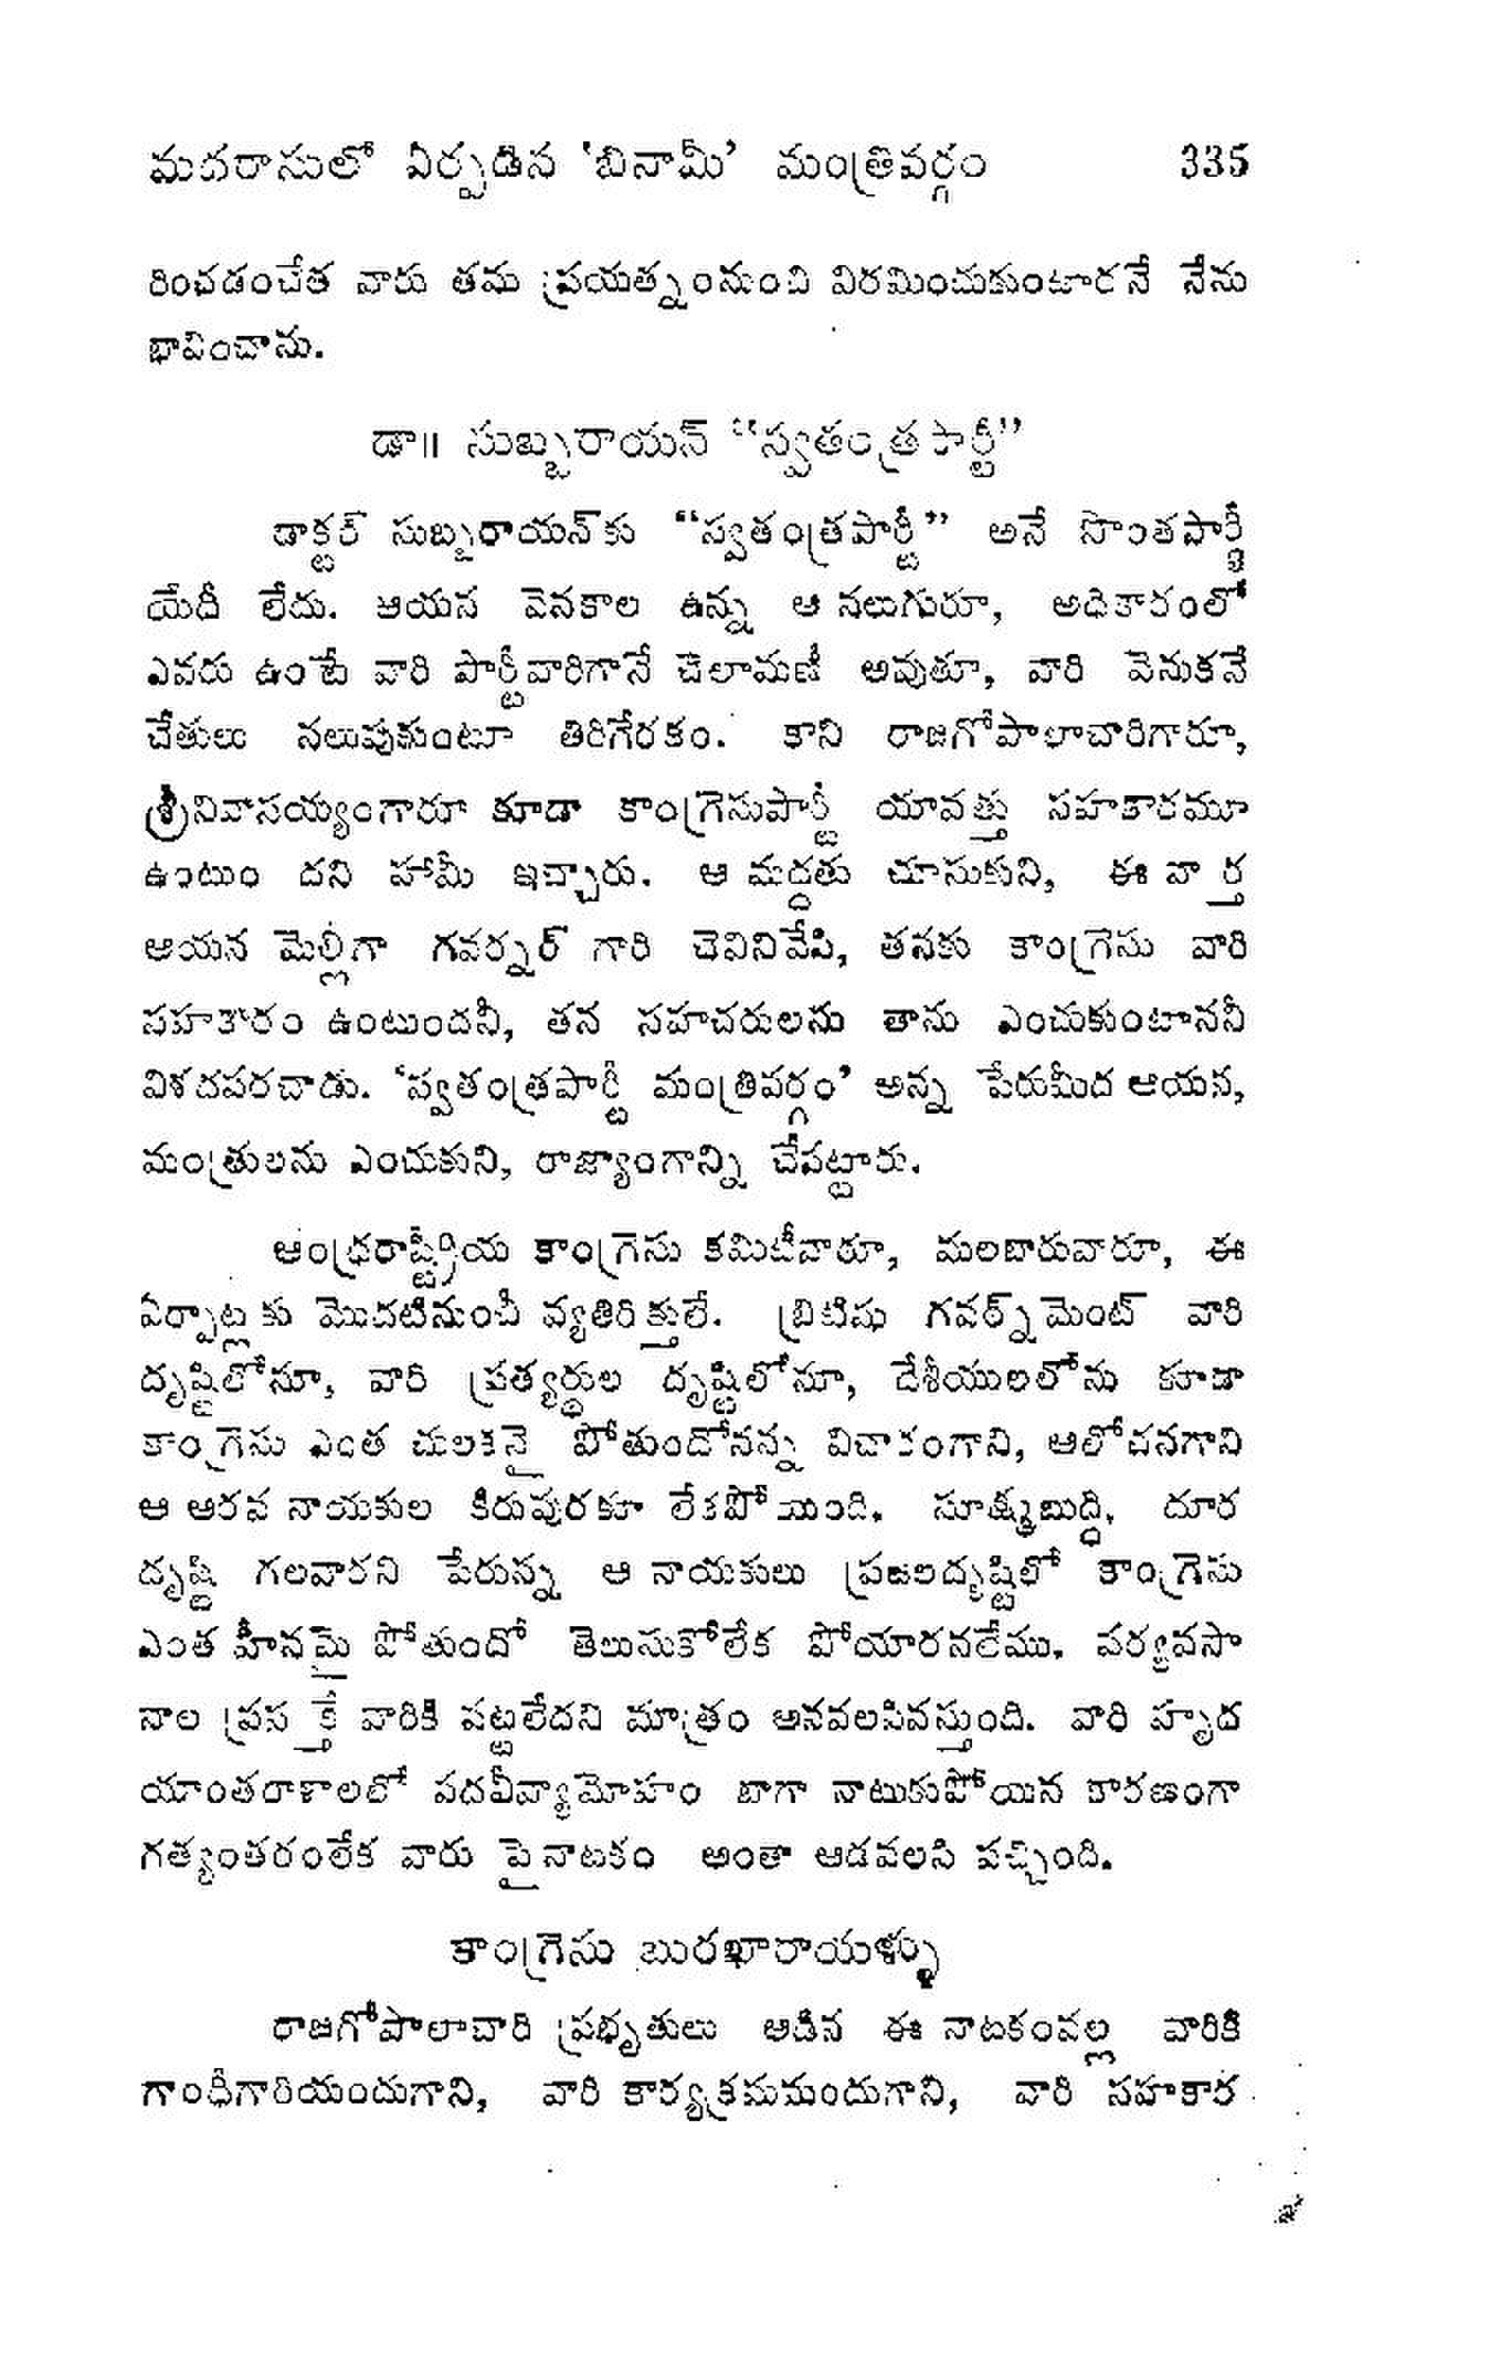రించడంచేత వారు తమ ప్రయత్నంనుంచి విరమించుకుంటారనే నేను భావించాను.

డాక్టర్ సుబ్బరాయన్‌కు "స్వతంత్రపార్టీ" అనే సొంతపార్టీ యేదీ లేదు. ఆయన వెనకాల ఉన్న అ నలుగురూ, అధికారంలో ఎవరు ఉంటే వారి పార్టీవారిగానే చెలామణీ అవుతూ, వారి వెనుకనే చేతులు నలుపుకుంటూ తిరిగేరకం. కాని రాజగోపాలాచారిగారూ, శ్రీనివాసయ్యంగారూ కూడా కాంగ్రెసుపార్టీ యావత్తు సహకారమూ ఉంటుం దని హామీ ఇచ్చారు. ఆ మద్దతు చూసుకుని, ఈ వార్త ఆయన మెల్లిగా గవర్నర్ గారి చెవినివేసి, తనకు కాంగ్రెసు వారి సహకారం ఉంటుందనీ, తన సహచరులను తాను ఎంచుకుంటాననీ విశదపరచాడు. "స్వతంత్రపార్టీ మంత్రివర్గం" అన్న పేరుమీద ఆయన, మంత్రులను ఎంచుకుని, రాజ్యాంగాన్ని చేపట్టారు.

ఆంధ్రరాష్ట్రీయ కాంగ్రెసు కమిటీవారూ, మలబారువారూ, ఈ ఏర్పాట్లకు మొదటినుంచీ వ్యతిరేకులే. బ్రిటిషు గవర్న్‌మెంట్ వారి దృష్టిలోనూ, వారి ప్రత్యర్థుల దృష్టిలోనూ, దేశీయులలోను కూడా కాంగ్రెసు ఎంత చులకనై పోతుందోనన్న విచారంగాని, ఆలోచనగాని ఆ అరవనాయకుల కిరువురుకూ లేక పోయింది. సూక్ష్మబుద్ధి, దూరదృష్టి గలవారని పేరున్న ఆ నాయకులు ప్రజలదృష్టిలో కాంగ్రెసు ఎంత హీనమై పోతుందో తెలుసుకోలేక పోయారనలేము. పర్యవసానాల ప్రసక్తే వారికి పట్టలేదని మాత్రం అనవలసివస్తుంది. వారి హృదయాంతరాళాలలో పదవీవ్యామోహం బాగా నాటుకుపోయిన కారణంగా గత్యంతరంలేక వారు పైనాటకం అంతా ఆడవలసి వచ్చింది.

రాజగోపాలాచారి ప్రభృతులు ఆడిన ఈ నాటకంవల్ల వారికి గాంధీగారియందుగాని, వారి కార్యక్రమమందుగాని, వారి సహకార